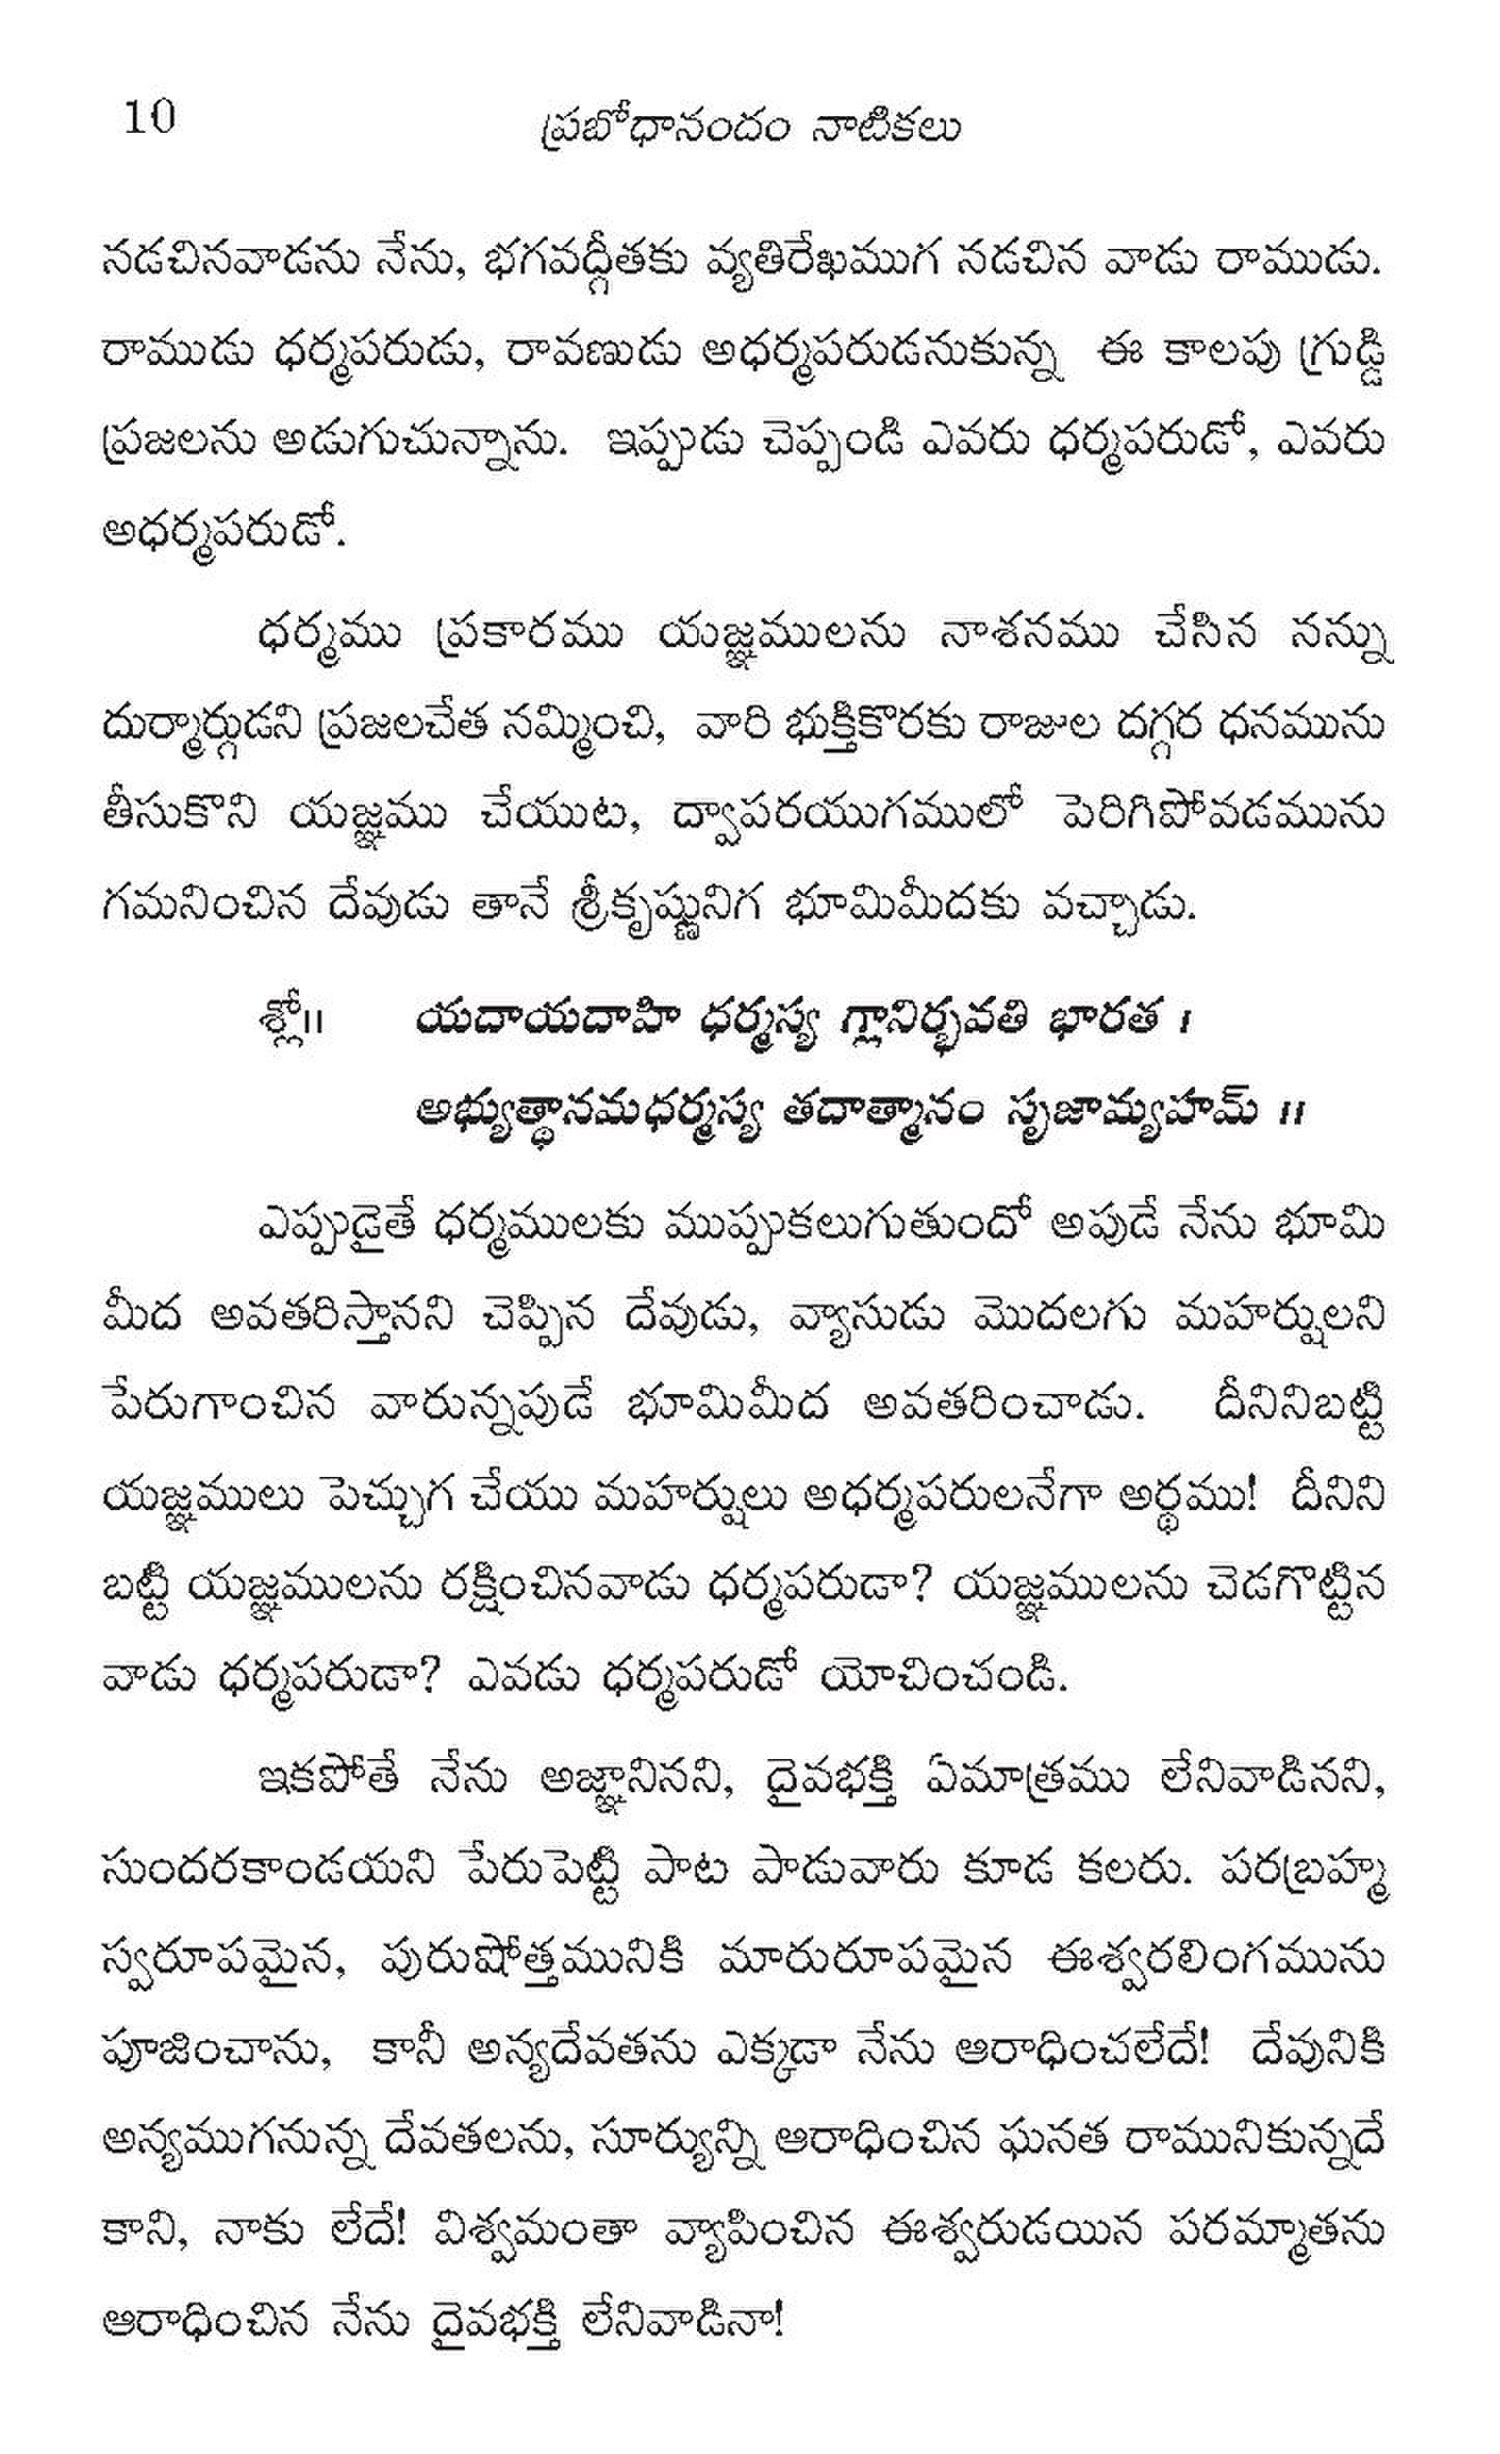నడచినవాడను నేను, భగవద్గీతకు వ్యతిరేఖముగ నడచిన వాడు రాముడు. రాముడు ధర్మపరుడు, రావణుడు అధర్మపరుడనుకున్న ఈ కాలపు గ్రుడ్డి ప్రజలను అడుగుచున్నాను. ఇప్పుడు చెప్పండి ఎవరు ధర్మపరుడో, ఎవరు అధర్మపరుడో.

ధర్మము ప్రకారము యజ్ఞములను నాశనము చేసిన నన్ను దుర్మార్గుడని ప్రజలచేత నమ్మించి, వారి భుక్తికొరకు రాజుల దగ్గర ధనమును తీసుకొని యజ్ఞము చేయుట, ద్వాపరయుగములో పెరిగిపోవడమును గమనించిన దేవుడు తానే శ్రీకృష్ణునిగ భూమిమీదకు వచ్చాడు.

ఎప్పుడైతే ధర్మములకు ముప్పుకలుగుతుందో అపుడే నేను భూమి మీద అవతరిస్తానని చెప్పిన దేవుడు, వ్యాసుడు మొదలగు మహర్షులని పేరుగాంచిన వారున్నపుడే భూమిమీద అవతరించాడు. దీనినిబట్టి యజ్ఞములు పెచ్చుగ చేయు మహర్షులు అధర్మపరులనేగా అర్థము! దీనిని బట్టి యజ్ఞములను రక్షించినవాడు ధర్మపరుడా? యజ్ఞములను చెడగొట్టిన వాడు ధర్మపరుడా? ఎవడు ధర్మపరుడో యోచించండి.

ఇకపోతే నేను అజ్ఞానినని, దైవభక్తి ఏమాత్రము లేనివాడినని, సుందరకాండయని పేరుపెట్టి పాట పాడువారు కూడ కలరు. పరబ్రహ్మ స్వరూపమైన, పురుషోత్తమునికి మారురూపమైన ఈశ్వరలింగమును పూజించాను, కానీ అన్యదేవతను ఎక్కడా నేను ఆరాధించలేదే! దేవునికి అన్యముగనున్న దేవతలను, సూర్యున్ని ఆరాధించిన ఘనత రామునికున్నదే కాని, నాకు లేదే! విశ్వమంతా వ్యాపించిన ఈశ్వరుడయిన పరమ్మాతను ఆరాధించిన నేను దైవభక్తి లేనివాడినా!